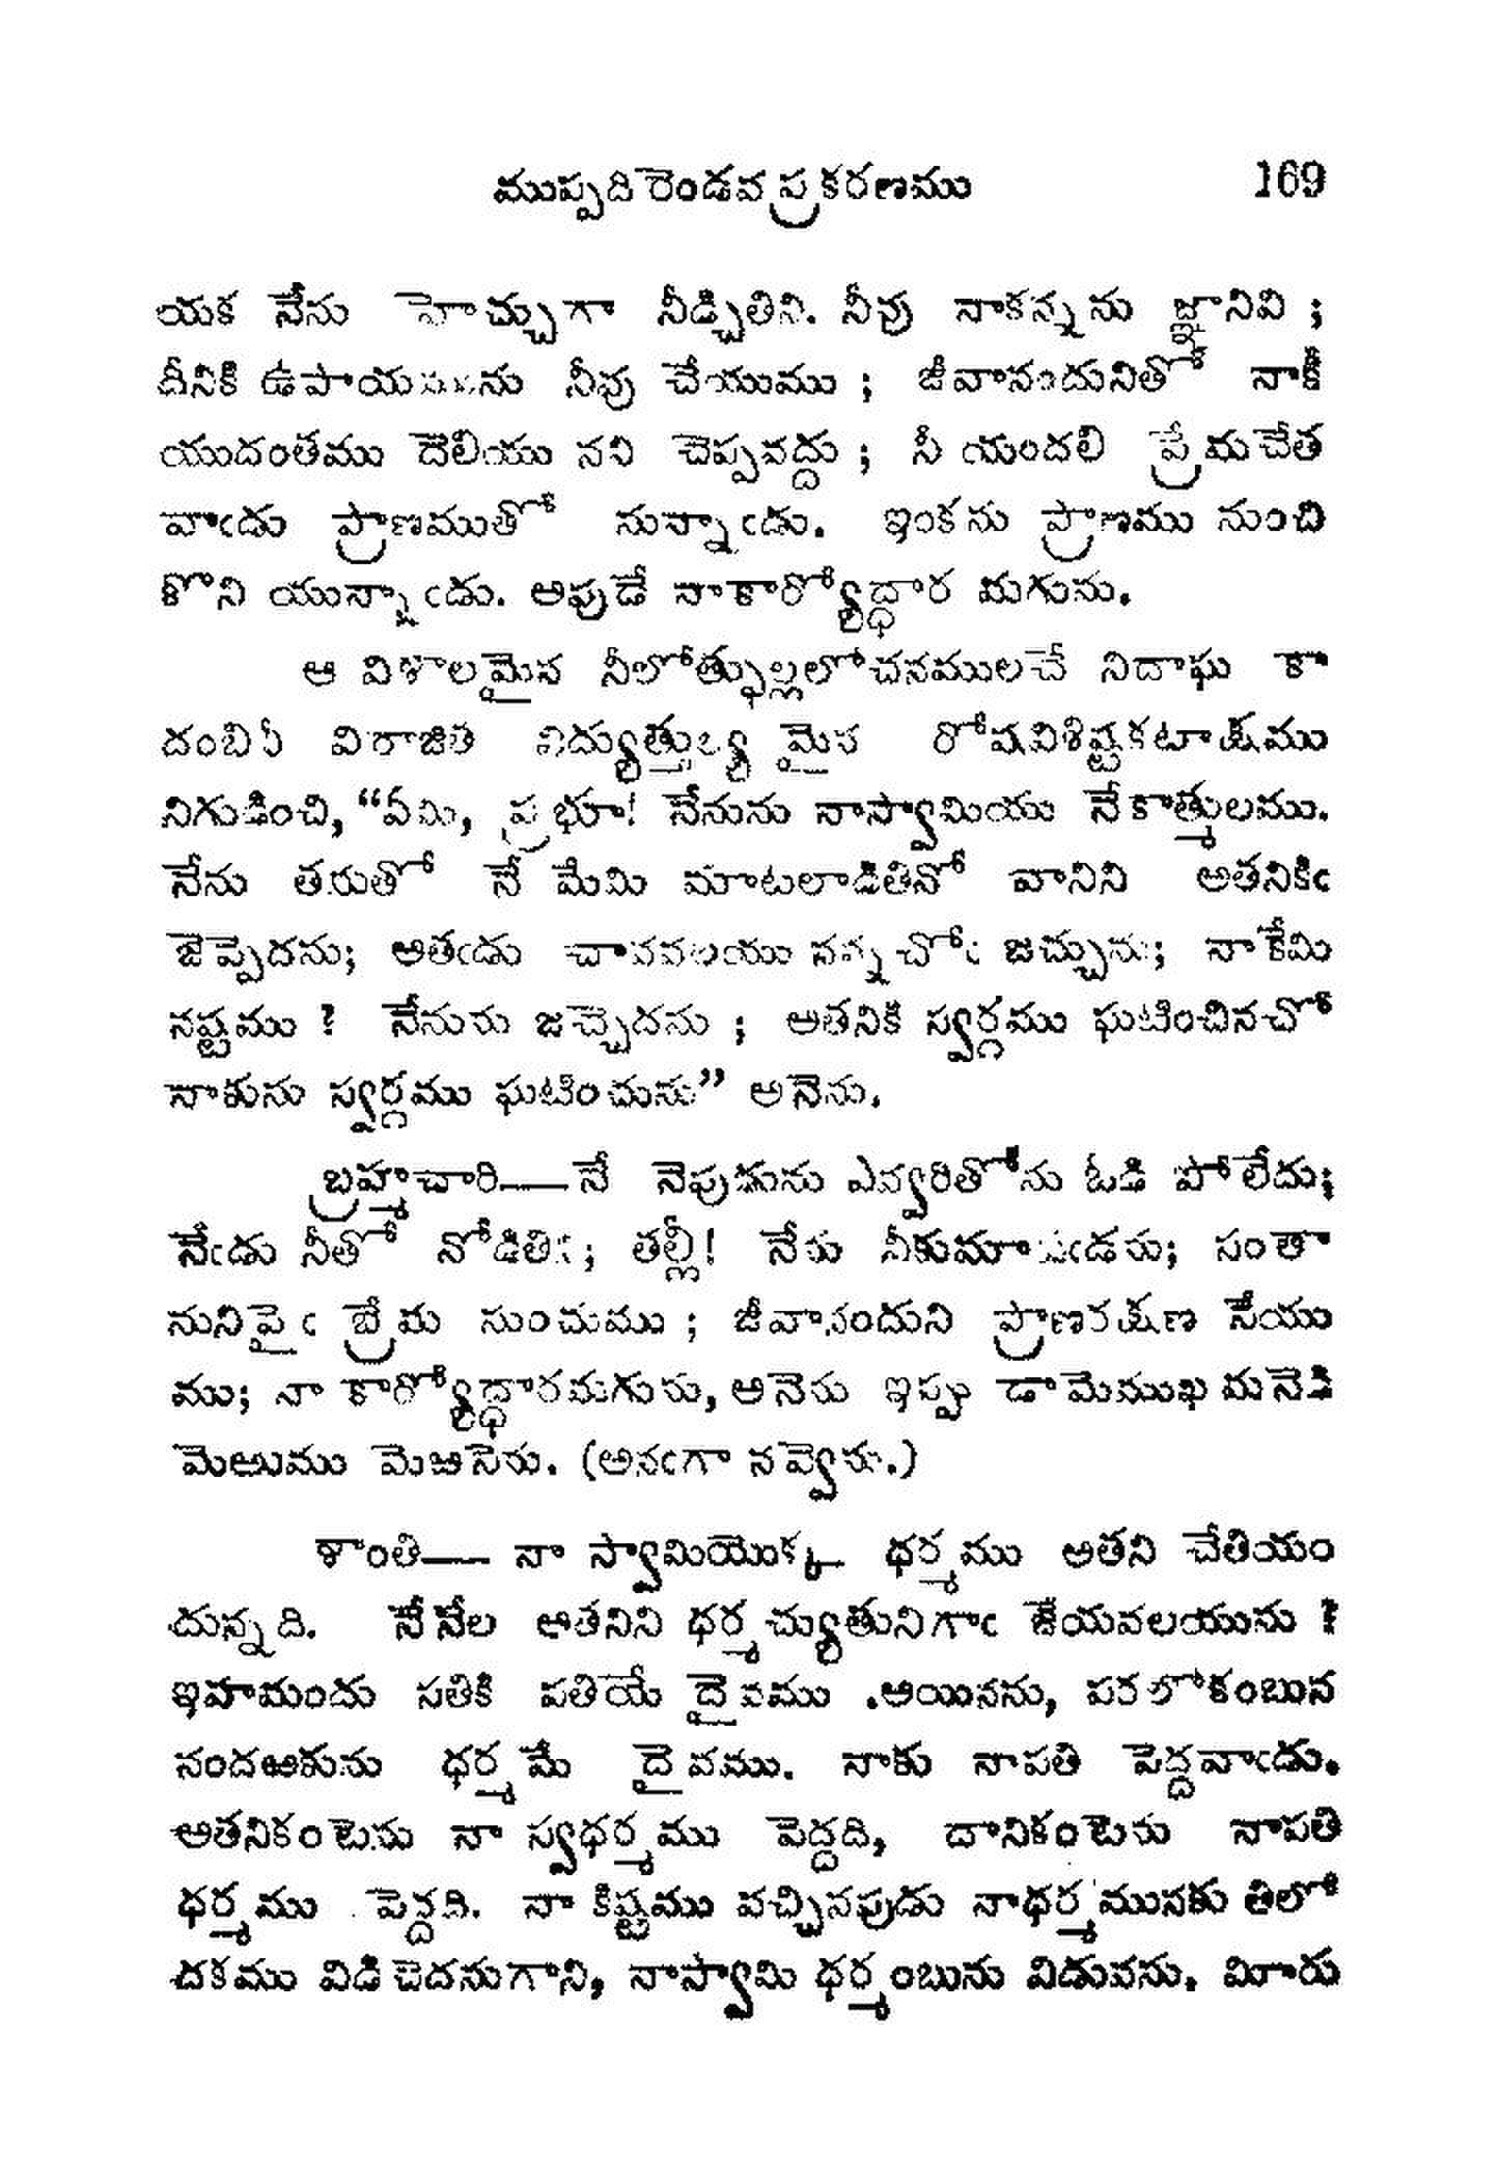యక నేను హెచ్చుగా నీడ్చితిని. నీవు నాకన్నను జ్ఞానివి; దీనికి ఉపాయమును నీవు చేయుము; జీవానందునితో నాకీ
యుదంతము దెలియు నని చెప్పవద్దు; నీ యందలి ప్రేమ చేత వాఁడు ప్రాణముతో నున్నాఁడు. ఇంక ను ప్రాణము నుంచి కొని యున్నాఁడు. అపుడే నాకార్యోద్దార మగును.

ఆ విశాలమైన నీలోత్ఫుల్లలోచనములచే నిదాఘ కాదంబినీ విరాజిత విద్యుత్తుల్లమైన రోష విశిష్ట కటాక్షము నిగుడించి, “ఏమి, ప్రభూ! నేనును నాస్వామియు నేకాత్ములము, నేను తమతో నే మేమి మాటలాడితినో వానిని అతనికి జెప్పెదను; అతఁడు చావవలయు నన్నచోఁ జచ్చును; నాకేమి నష్టము ? నేనును జచ్చెదను; అతనికి స్వర్గము ఘటించినచో
నాకును స్వర్గము ఘటించును.” అనెను.

బ్రహ్మచారి—— నే నెపుడును ఎవ్వరితోను ఓడి పోలేదు; నేఁడు నీతో నోడితిని; తల్లీ! నేను నీకుమారుఁడను; సంతానునిపైఁ బ్రేమ నుంచుము; జీవానందుని ప్రాణరక్షణ సేయుము; నా కార్యోద్దారమగును, అనెను ఇప్పు డామేముఖ మనెడి మెఱుము మెఱసెను. (అనఁగా నవ్వెను.)

శాంతి——నా స్వామియొక్క ధర్మము అతని చేతియందున్నది. నే నేల అతనిని ధర్మచ్యుతునిగాఁ జేయవలయును? ఇహమందు సతికి పతియే దైవము. అయినను, పరలోకంబున నందఱకును ధర్మమే దైవము. నాకు నాపతి పెద్దవాఁడు.అతనికంటెను నా స్వధర్మము పెద్దది, దానికంటెను నాపతి ధర్మము పెద్దది. నా కిష్టము వచ్చినపుడు నాధర్మమునకు తిలోదకము విడిచెదనుగాని, నాస్వామి ధర్మంబును విడువను, మీరు